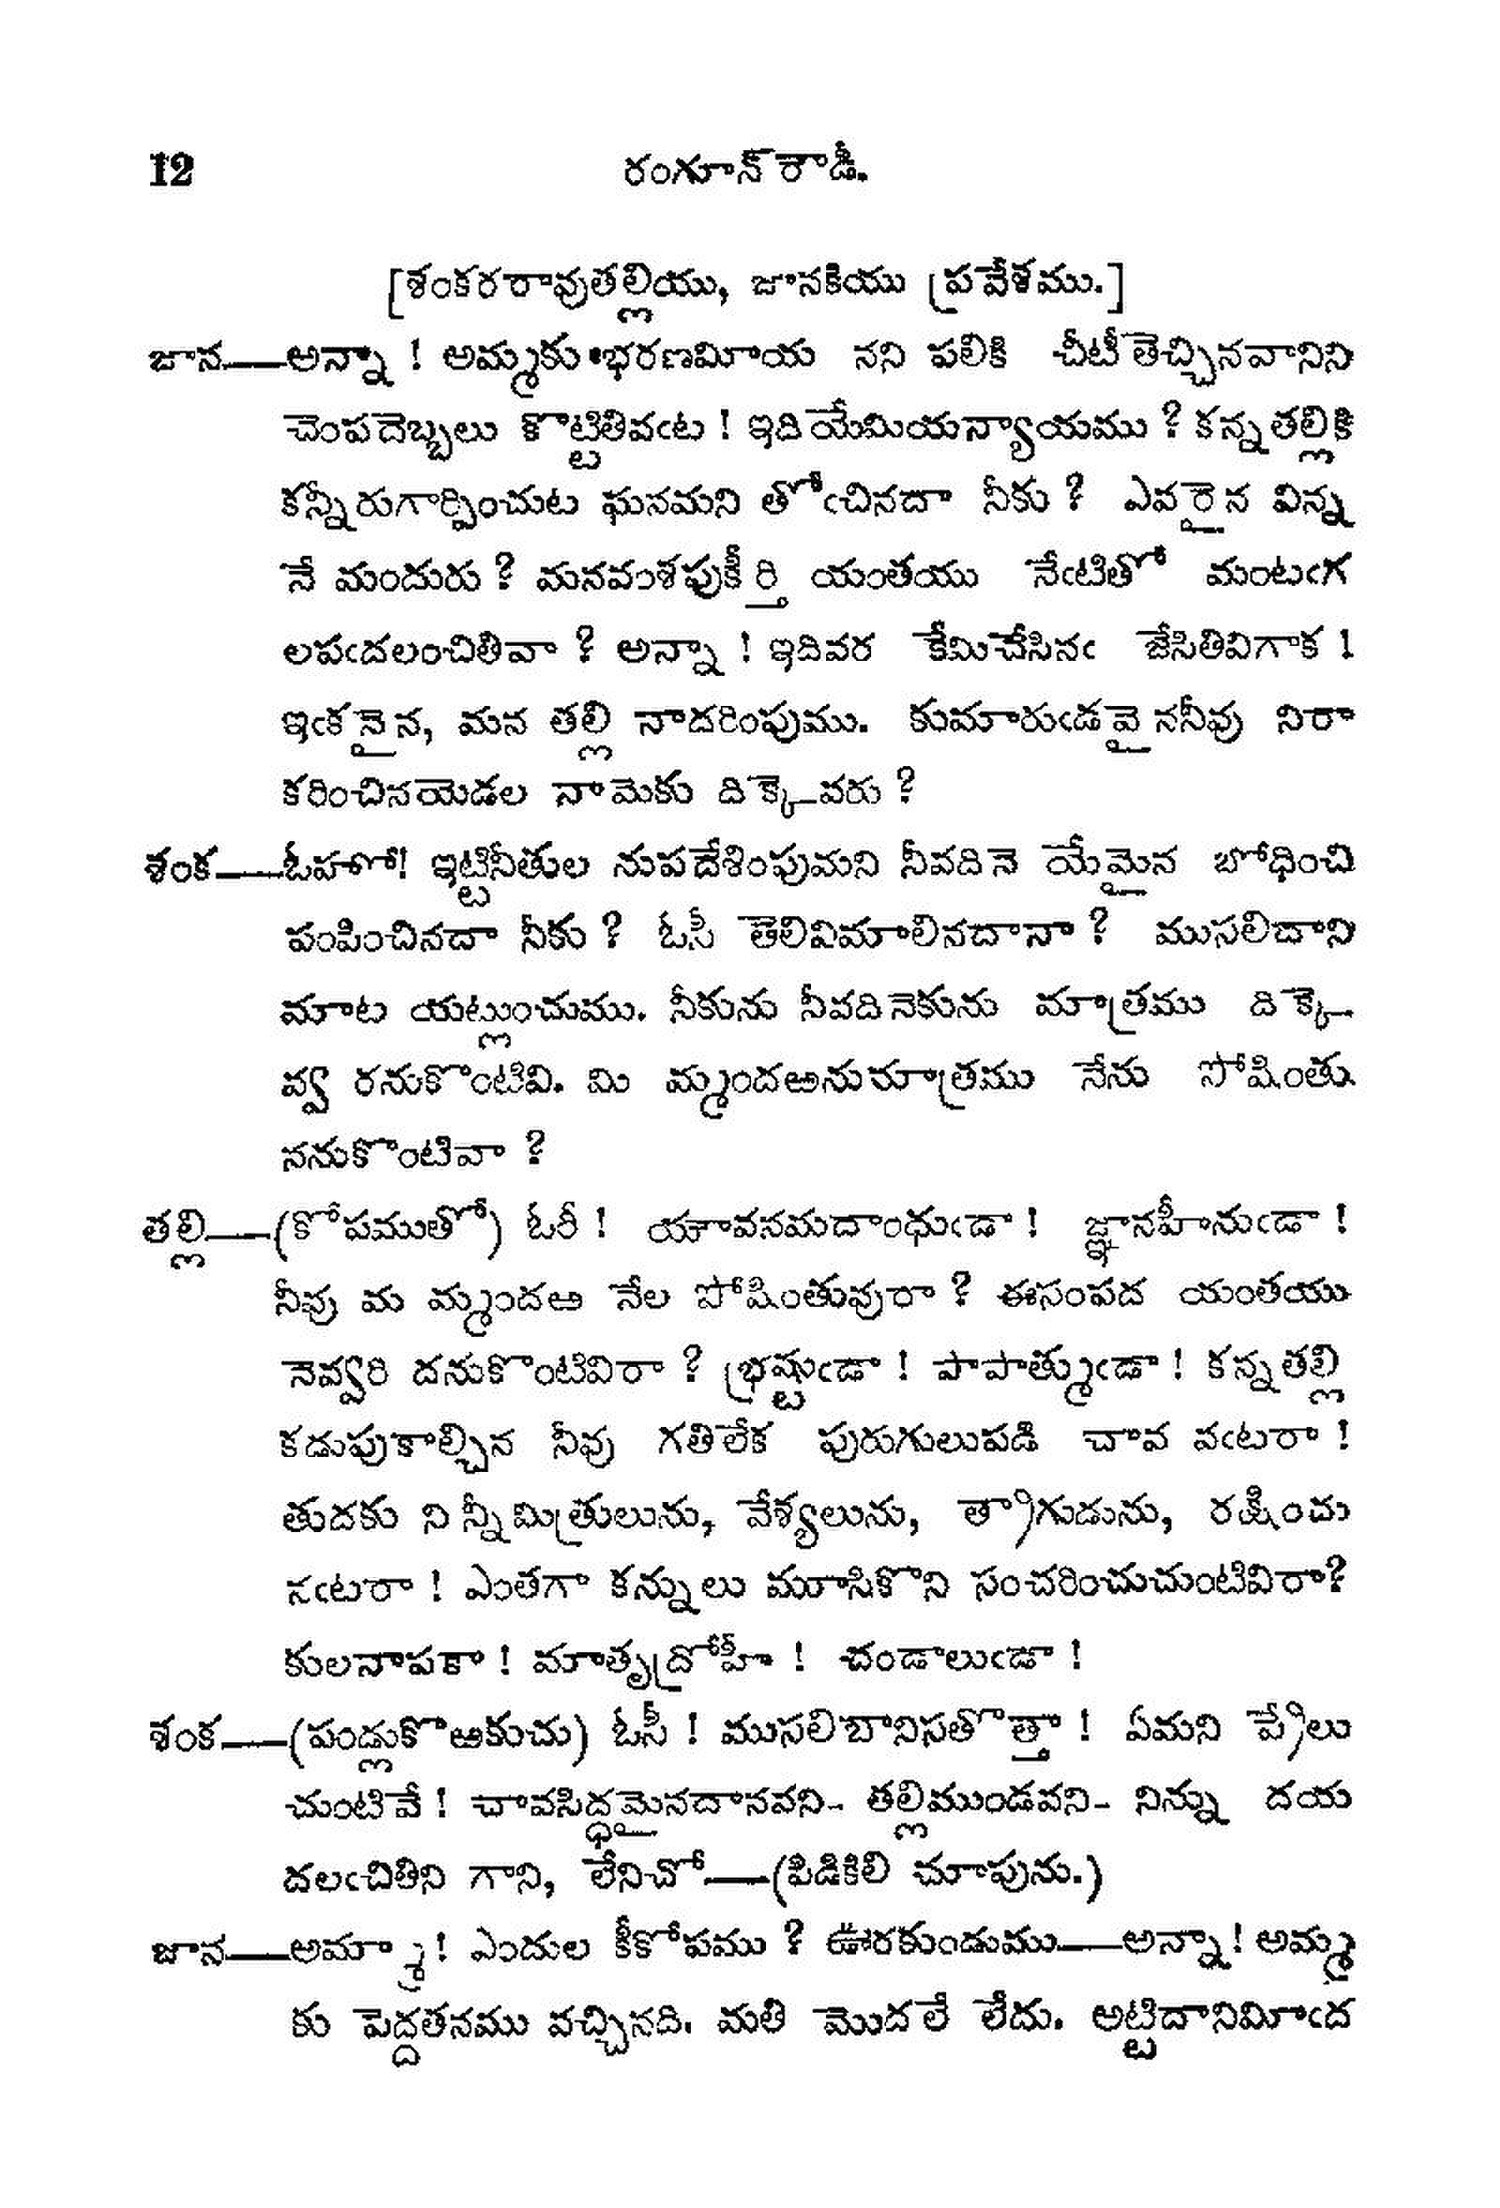జాన - అన్నా ! అమ్మకు భరణమీయ నని పలికి చీటీతెచ్చినవానిని చెంపదెబ్బలు కొట్టితివఁట ! ఇదియేమియన్యాయము ? కన్నతల్లికి కన్నీరుగార్పించుట ఘనమని తోఁచినదా నీకు ? ఎవరైన విన్న
నే మందురు ? మనవంశపుకీర్తి యంతయు నేఁటితో మంటఁగలపఁదలంచితివా? అన్నా ! ఇదివర కేమిచేసినఁ జేసితివిగాక ! ఇకనైన, మన తల్లి నాదరింపుము. కుమారుఁడవైననీవు నిరాకరించిన యెడల నామెకు దిక్కెవరు ?

శం - ఓహో! ఇట్టినీతుల నుపదేశింపుమని నీవదినె యేమైన బోధించి పంపించినదా నీకు? ఓసీ తెలివిమాలినదానా? ముసలిదాని మాట యట్లుంచుము. నీకును నీవదినెకును మాత్రము దిక్కెవ్వ రనుకొంటివి. మి మ్మందఱనుమాత్రము నేను పోషింతు ననుకొంటివా?

తల్లి -- (కోపముతో) ఓరీ ! యౌవనమదాంధుఁడా ! జ్ఞానహీనుఁడా ! నీవు మ మ్మందఱ నేల పోషింతువురా ? ఈసంపద యంతయు నెవ్వరి దనుకొంటివిరా ? భ్రష్టుఁడా ! పాపాత్ముఁడా ! కన్నతల్లి
కడుపుకాల్చిన నీవు గతిలేక పురుగులుపడి చావ వఁటరా ! తుదకు ని న్నీమిత్రులును, వేశ్యలును, త్రాగుడును, రక్షించు నఁటరా ! ఎంతగా కన్నులు మూసికొని సంచరించుచుంటివిరా? కులనాపకా ! మాతృద్రోహీ ! చండాలుఁడా !

శంక - (పండ్లుకొఱుకుచు) ఓసీ ! ముసలిబానిసతొత్తా ! ఏమని ప్రేలు చుంటివే ! చావసిద్ధమైనదానవని. తల్లిముండవని- నిన్ను దయ దలఁచితిని గాని, లేనిచో - (పిడికిలి చూపును.)

జాన - అమ్మా! ఎందుల కీకోపము ? ఊరకుండుము - అన్నా! అమ్మకు పెద్దతనము వచ్చినది. మతి మొదలే లేదు. అట్టిదానిమీఁద